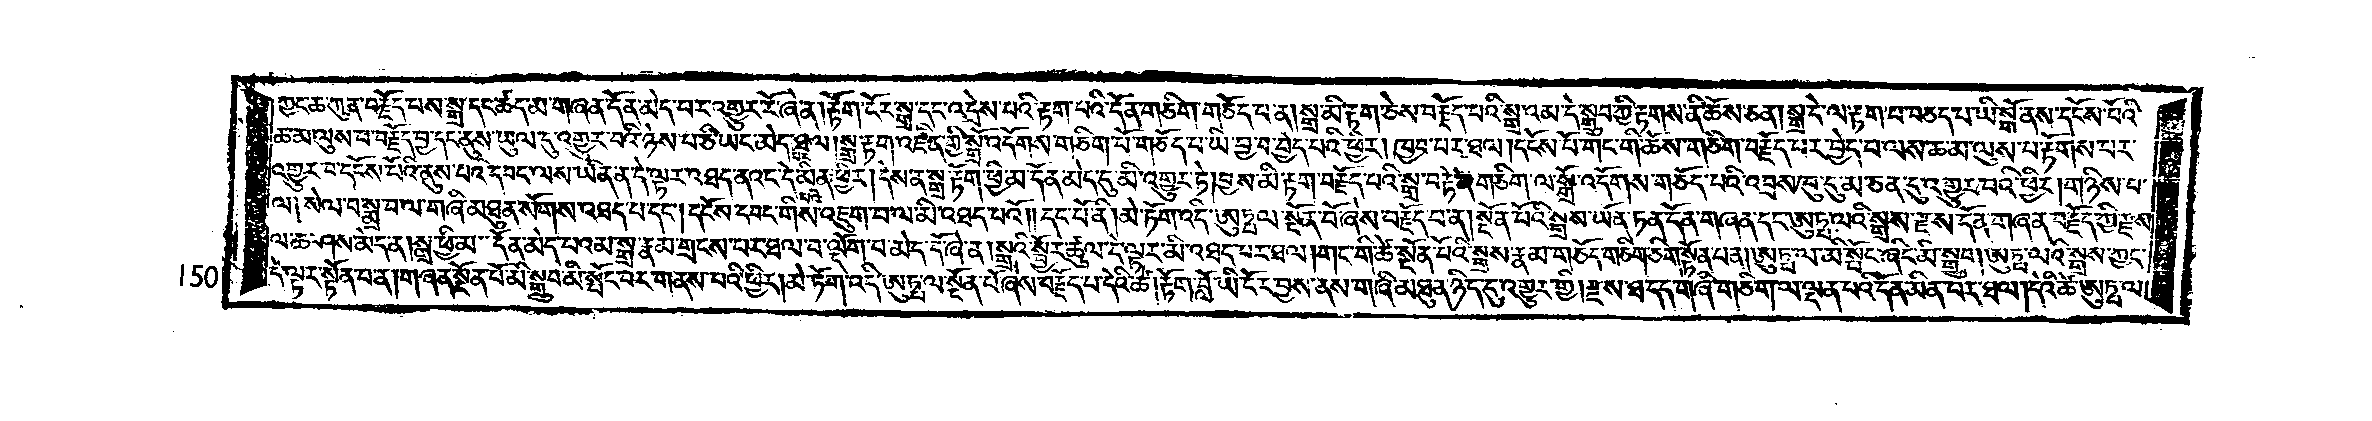ཀྱང་ཆ་ཀུན་བརྗོད་པས་སྒྲ་དང་ཚད་མ་གཞན་དོན་མེད་པར་འགྱུར་རོ་ཞེ་ན། རྟོག་ངོར་སྒྲ་དང་འདྲེས་པའ༑ཨི་རྟག་པའི་དོན་གཅིག་གཅོད་པ་ན། སྒྲ་མི་རྟག་ཅེས་བརྗོད་པའི་སྒྲ་འམ་དེ་སྒྲུབ་ཀྱི་རྟགས་ནི་ཆོས་ཅན། སྒྲ་དེ་ལ་རྟག་པ་བཅད་པ་ཡི་སྒོ་ནས་དངོས་པོའི་
ཆ་མ་ལུས་པ་བརྗོད་བྱ་དང་ནུས་ཡུལ་དུ་འགྱུར་བའི་ཉེས་པ་ཅི་ཡང་མེད་པར་ཐལ། སྒྲ་རྟག་འཛིན་གྱི་སྒྲོ་འདོགས་གཅིག་པོ་གཅོད་པ་ཡི་བྱ་བ་བྱེད་པའི་ཕྱིར། ཁྱབ་པར་ཐལ། དངོས་པོ་གང་གི་ཆོས་གཅིག་བརྗོད་པར་བྱེད་པ་ལས་ཆ་མ་ལུས་པ་རྟོགས་པར་
འགྱུར་བ་དངོས་པོའི་ནུས་པའི་དབང་ལས་ཡིན་ན་དེ་ལྟར་འཐད་ནའང་དེ་མིན་པའི་ཕྱིར། དེས་ན་སྒྲ་རྟོག་ཕྱི་མ་དོན་མེད་དུ་མི་འགྱུར་ཏེ། བྱས་མི་རྟག་བརྗོད་པའི་སྒྲ་བརྟེན་གཅིག་ལ་སྒྲོ་འདོགས་གཅོད་པའི་འབྲས་བུ་དུ་མ་ཅན་དུ་འགྱུར་བའི་ཕྱིར། གཉིས་པ་
ལ། སེལ་བ་སྨྲ་བ་ལ་གཞི་མཐུན་སོགས་འཐད་པ་དང་། དངོས་དབང་གིས་འཇུག་པ་ལ་མི་འཐད་པའོ། །དང་པོ་ནི། མེ་ཏོག་འདི་ཨུཏྤལ་སྔོན་པོ་ཞེས་བརྗོད་པ་ན། སྔོན་པོའི་སྒྲས་ཡོན་ཏན་དོན་གཞན་དང་ཨུཏྤལ་ལའི་སྒྲས་རྫས་དོན་གཞན་བརྗོད་ཀྱི་རྫས་
ལ་ཆ་ཤས་མེད་ན། སྒྲ་ཕྱི་མ་དོན་མེད་པའམ་སྒྲ་རྣམ་གྲངས་པར་ཐལ་བ་ལྡོག་པ་མེད་དོ་ཞེ་ན། སྒྲའི་སྦྱོར་ཚུལ་དེ་ལྟར་མི་འཐད་པར་ཐལ། གང་གི་ཚེ་སྔོན་པོའི་སྒྲས་རྣམ་གཅོད་གཅིག་ཅིག་སྟོན་པ་ན། ཨུཏྤལ་ལ་མི་སྤོང་ཞིང་མི་སྒྲུབ། ཨུཏྤལ་ལའི་སྒྲས་ཀྱང་
དེ་ལྟར་སྟོན་པ་ན། གཞན་སྔོན་པོ་མི་སྒྲུབ་མི་སྤོང་བར་གནས་པའི་ཕྱིར། མེ་ཏོག་འདི་ཨུཏྤལ་ལ་སྔོན་པོ་ཞེས་བརྗོད་པ་དེའི་ཚེ། རྟོག་བློ་ཡི་ངོར་བྱས་ནས་གཞི་མཐུན་ཉིད་དུ་འགྱུར་གྱི། རྫས་ཐ་དད་གཞི་གཅིག་ལ་ལྡན་པའི་དོན་མིན་པར་ཐལ། དེའི་ཚེ་ཨུཏྤལ་ལ།